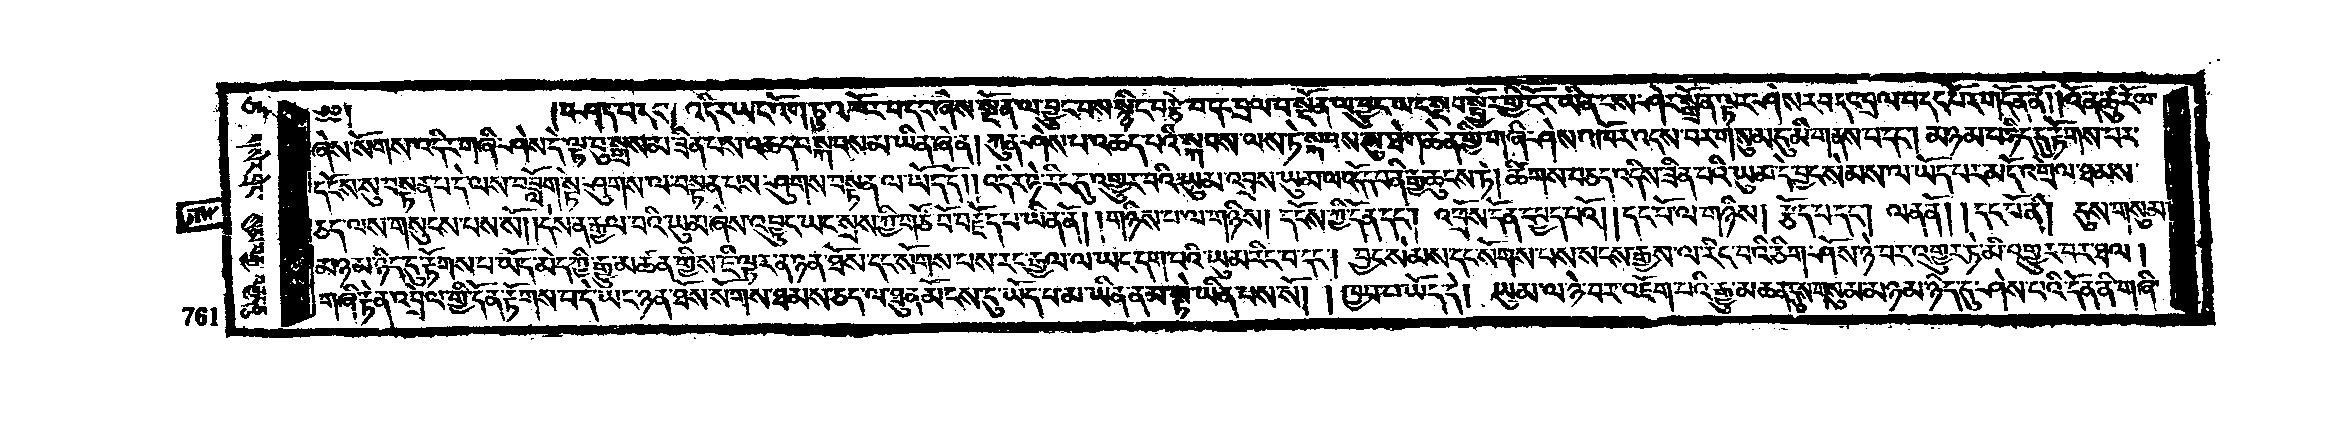༄༅། །བཤད་པ་དང་། འདིར་ཡང་འོག་ཏུ་འཁོར་བ་དང་ཞེས་སྔོན་ལ་བྱུང་བས་སྙིང་བརྩེ་བ་དང་བྲལ་བ་སྔོན་ལ་བྱུང་ཡང་སྡེབ་སྦྱོར་གྱི་ངོར་ཡིན་པས་ཤེར་སྒྲོན་ལྟར་ཤེས་རབ་དང་བྲལ་བ་དང་པོར་གདོན་ནོ། །འོ་ན་ཚུ་རོལ་
ཞེས་སོགས་འདིར་གཞི་ཤེས་དེ་ལྟ་བུ་སྒྲས་མ་ཟིན་པས་འཆད་པ་སྐབས་མ་ཡིན་ཞེ་ན། ཀུན་ཤེས་པ་འཆད་པའི་སྐབས་ལས་ཏེ་སྐབས་སུ་ཐེག་ཆེན་གྱི་གཞི་ཤེས་འཁོར་འདས་པར་གསུམ་དུ་མི་གནས་པ་དང་། མཉམ་པ་ཉིད་དུ་རྟོགས་པར་
དངོས་སུ་བསྟན་པ་དེ་ལས་བཟློག་སྟེ་ཤུགས་ལ་བསྟན་པས་ཤུགས་བསྟན་ལ་ཡོད་དོ། །འདིར་ཉེ་རིང་དུ་འགྱུར་བའི་ཡུམ་འབྲས་ཡུམ་ལ་འདོད་པ་ནི་རྒྱ་ཚུངས་ཏེ། ཚིགས་བཅད་འདིས་ཟིན་པའི་ཡུམ་དེ་བྱང་སེམས་ལ་ཡོད་པར་མདོ་འགྲེལ་ཐམས་
ཅད་ལས་གསུངས་པས་སོ། །དེས་ན་རྒྱལ་བའི་ཡུམ་ཞེས་འབྱུང་ཡང་སྲས་ཀྱི་གཙོ་བོ་བརྗོད་པ་ཡིན་ནོ། །གཉིས་པ་ལ་གཉིས། དངོས་ཀྱི་དོན་དང་། འཕྲོས་དོན་དཔྱད་པའོ། །དང་པོ་ལ་གཉིས། རྩོད་པ་དང་། ལན་ནོ། །དང་པོ་ནི། དུས་གསུམ་
མཉམ་ཉིད་དུ་རྟོགས་པ་ཡོད་མེད་ཀྱི་རྒྱུ་མཚན་གྱིས་ཇི་ལྟར་ན་ཉན་ཐོས་དང་སོགས་པས་རང་རྒྱལ་ལ་ཡང་དག་པའི་ཡུམ་རིང་བ་དང་། བྱང་སེམས་དང་སོགས་པས་སངས་རྒྱས་ལ་རིང་བའི་ཅིག་ཤོས་ཉེ་བར་འགྱུར་ཏེ་མི་འགྱུར་བར་ཐལ།
གཞི་རྟེན་འབྲེལ་གྱི་དོན་རྟོགས་པ་དེ་ཡང་ཉན་ཐོས་སོགས་ཐམས་ཅད་ལ་ཐུན་མོངས་དུ་ཡོད་པ་མ་ཡིན་ནམ་སྟེ་ཡིན་པས་སོ། །ཁྱབ་པ་ཡོད་དེ། ཡུམ་ལ་ཉེ་བར་འཇོག་པའི་རྒྱུ་མཚན་དུས་གསུམ་མཉམ་ཉིད་དུ་ཤེས་པའི་དོན་ནི་གཞི་